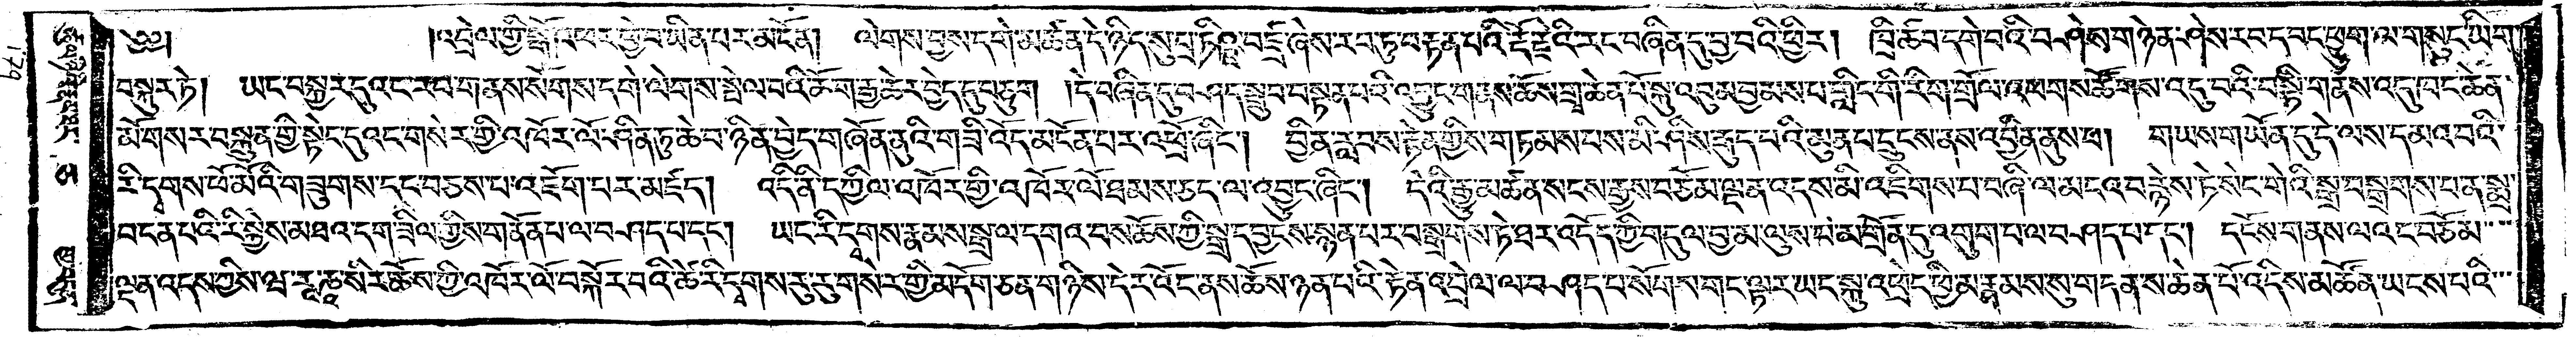༄༅། །འབྲེལ་གྱི་སྒོ་འཕར་ཕྱེ་བ་ཡིན་བར་མངོན། ལེགས་བྱས་དགེ་མཚན་དེ་ཉིད་སུ་བྲཏིཥྠ་བཛྲ་ཞེས་རབ་ཏུ་བརྟན་པའི་རྡོ་རྗེའི་རང་བཞིན་དུ་བྱ་བའི་ཕྱིར། ཁྲི་ཚབ་དགེ་བའི་བཤེས་གཉེན་ཤེས་རབ་དབང་ཕྱུག་ལ་གསུང་ཡིག་
བསྐུར་ཏེ། ཡང་བསྐྱར་དུའང་རབ་གནས་སོགས་དགེ་ལེགས་སྤེལ་བའི་ཆོ་ག་རྒྱ་ཆེར་བྱེད་དུ་བཅུག །དེ་བཞིན་དུ་བཤད་སྒྲུབ་བསྟན་པའི་འབྱུང་གནས་ཆོས་གྲྭ་ཆེན་པོ་སྐུ་འབུམ་བྱམས་པ་གླིང་གི་རིག་གྲོལ་འཕགས་ཚོགས་འདུ་བའི་བསྟི་གནས་འདུ་ཁང་ཆེན་
མོ་གསར་བསྐྲུན་གྱི་སྟེང་དུའང་གསེར་གྱི་འཁོར་ལོ་ཤིན་ཏུ་ཆེ་བ་ཉིན་བྱེད་གཞོན་ནུའི་གཟི་འོད་མངོན་པར་འཕྲོ་ཞིང་། བྱིན་རླབས་རྟེན་གྱིས་གཏམས་བས་མི་ཤིས་རྒུད་པའི་མུན་པ་དྲུང་ནས་འབྱིན་ནུས་པ། གཡས་གཡོན་དུ་དེ་ལས་དམའ་བའི་
རི་དྭགས་ཕོ་མོའི་གཟུགས་དང་བཅས་པ་འཇོག་པར་མཛད། འདི་ནི་དཀྱིལ་འཁོར་གྱི་འཁོར་ལོ་ཐམས་ཅད་ལ་འབྱུང་ཞིང་། དེའི་རྒྱུ་མཚན་སངས་རྒྱས་བཅོམ་ལྡན་འདས་མི་འཇིགས་པ་བཞི་ལ་མངའ་བརྙེས་ཏེ་སེང་གེའི་སྒྲ་བསྒྲགས་པ་ན་སྨྲ་
བདན་པའི་རི་སྐྱེས་མཐའ་དག་ཟིལ་གྱིས་གནོན་པ་ལ་བཤད་པ་དང་། ཡང་རི་དྭགས་རྣམས་སྒྲ་ལ་དགའ་བས་ཆོས་ཀྱི་སྒྲ་དབྱངས་སྙན་པར་བསྒྲགས་ཏེ་ཐར་འདོད་ཀྱི་གདུལ་བྱ་མ་ལུས་པ་མགྲོན་དུ་འགུག་པ་ལ་བཤད་པ་དང་། དངོས་གནས་ལའང་བཅོམ་
ལྡན་འདས་ཀྱིས་ཝ་རཱ་ཎཱ་སིར་ཆོས་ཀྱི་འཁོར་ལོ་བསྐོར་བའི་ཚེ་རི་དྭགས་རུ་རུ་གསེར་གྱི་མདོག་ཅན་གཉིས་དེར་འོང་ནས་ཆོས་ཉན་པའི་རྟེན་འབྲེལ་ལ་བཤད་པ་སོགས་གང་ལྟར་ཡང་སྐུ་འཕྲེང་ཕྱི་མ་རྣམས་སུ་གདན་ས་ཆེན་པོ་འདིས་མཚོན་ཡང་པའི་